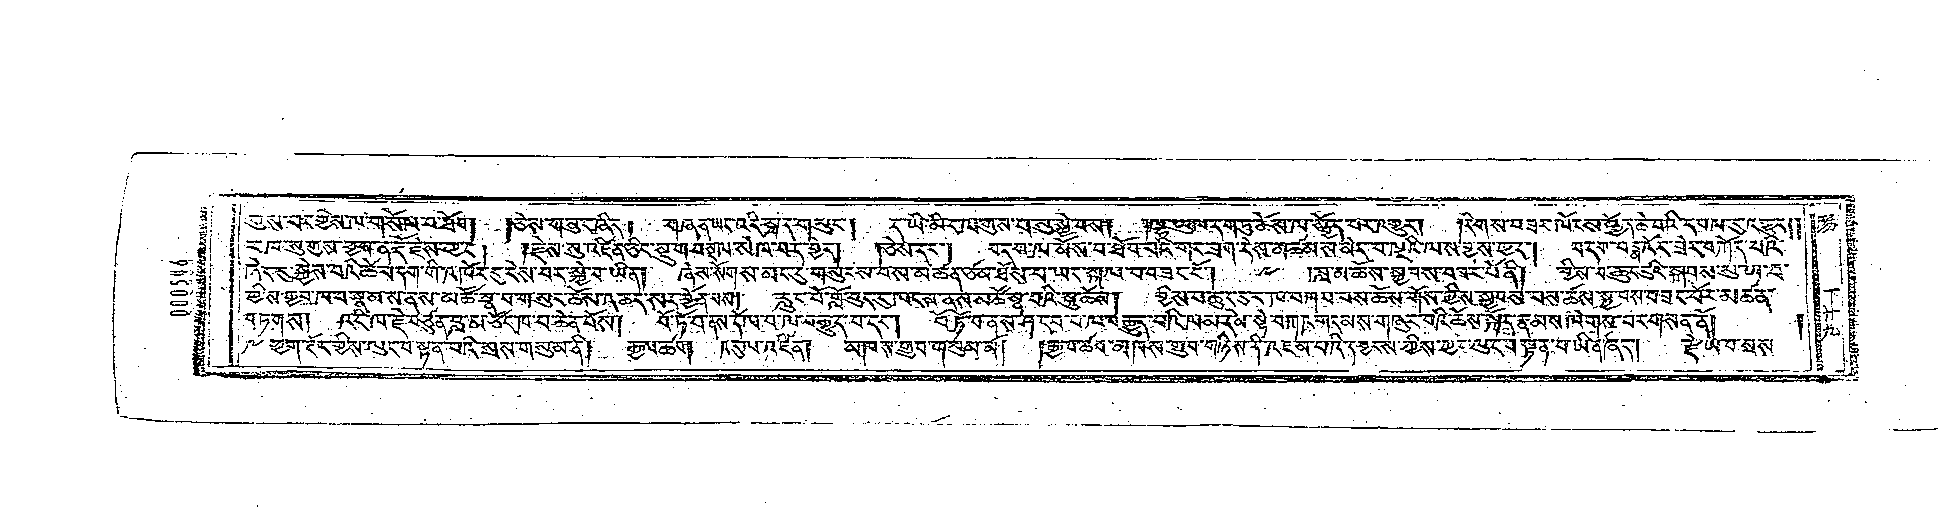གུས་པར་གྱིས་ལ་གསོལ་བ་ཐོབ། །ཅེས་གསུང་ཞིང་། གཞན་ཡང་འདི་སྐད་གསུང་། ད་ཡི་མིང་ལ་གུས་པ་སུ་སྐྱེ་བས། །ལྷ་ཡུལ་དག་ཏུ་ཆོས་ལ་སྤྱོད་པར་འགྱུར། །རིགས་བཟང་ལོངས་སྤྱོད་ཆེ་བའི་དཔལ་དུ་འགྱུར། །
ར་ཁ་སུ་གུས་ཕྱག་ན་རྡོ་རྗེས་ཀྱང་། །རྗེས་སུ་འཛིན་ཅིང་སྡུག་བསྔལ་སེལ་བར་བྱེད། །ཅེས་དང་། བདག་ལ་མོས་པ་ཐོབ་པའི་གང་ཟག་དེས་མཚམས་མེད་བ་ལྔའི་ལས་བྱས་ཀྱང་། བདག་པདམ་འོད་ཟེར་བཀོད་པའི་
ཞེད་དུ་སྐྱེས་བའི་ཚེ་བདག་གི་འཁོར་དུ་ངེས་པར་སྐྱེ་བ་ཡིན། ཞེས་སོགས་མང་དུ་གསུངས་བས་མཚན་ཙམ་ཐོས་པ་ཡང་སྐལ་བ་བཟང་ངོ། ༧་།བླ་མ་ཆོས་སྐྱབས་བཟང་པོ་ནི། བྱིས་བ་ཆུང་དུའི་སྐབས་སུ་ཡ་བ་
ཀྱིས་རྒྱབ་ལ་བསྣམས་ནས་མཚོ་སྣ་བ་གསུང་ཆོས་འཆད་སར་བྱོན་པས། རླུང་པོ་གློ་བུར་དུ་ལངས་ནས་མཚོ་སྣ་བའི་སྐུ་ཆོས། བྱིས་པ་ཆུང་དུ་ང་ལ་བཀབ་བས་ཆོས་གོས་ཀྱིས་སྐྱབས་པས་ཆོས་སྐྱབས་བཟང་པོར་མཚན་
བཏགས། འདི་ལ་རྗེ་བཙུན་བླ་མ་ཙོང་ཁ་པ་ཆེན་པོས། བོ་ཏོ་བ་ནས་དོལ་བ་ལ་བརྒྱུད་པ་དང་། པོ་ཏོ་བ་ནས་ཤང་བ་པ་ལ་བརྒྱུད་པའི་ལམ་རིམ་སྟེ་བཀའ་གདམས་གཞུང་བའི་ཆོས་སྐོར་རྣམས་ལེགས་པར་གསན་ནོ། །
༧་གྱག་རྡོར་གྱིས་ལུང་བསྟན་པའི་སྲས་གསུམ་ནི། རྒྱལ་ཚབ། འདུལ་འཛིན། མཁས་གྲུབ་གསུམ་མོ། །རྒྱལ་ཚབ་མཁས་གྲུབ་གཉིས་ནི་འཇམ་པའི་དབྱངས་ཀྱིས་ཀྱང་ལུང་བསྟན་པ་ཡིན་ཞིང་། རྗེ་ཡབ་སྲས་